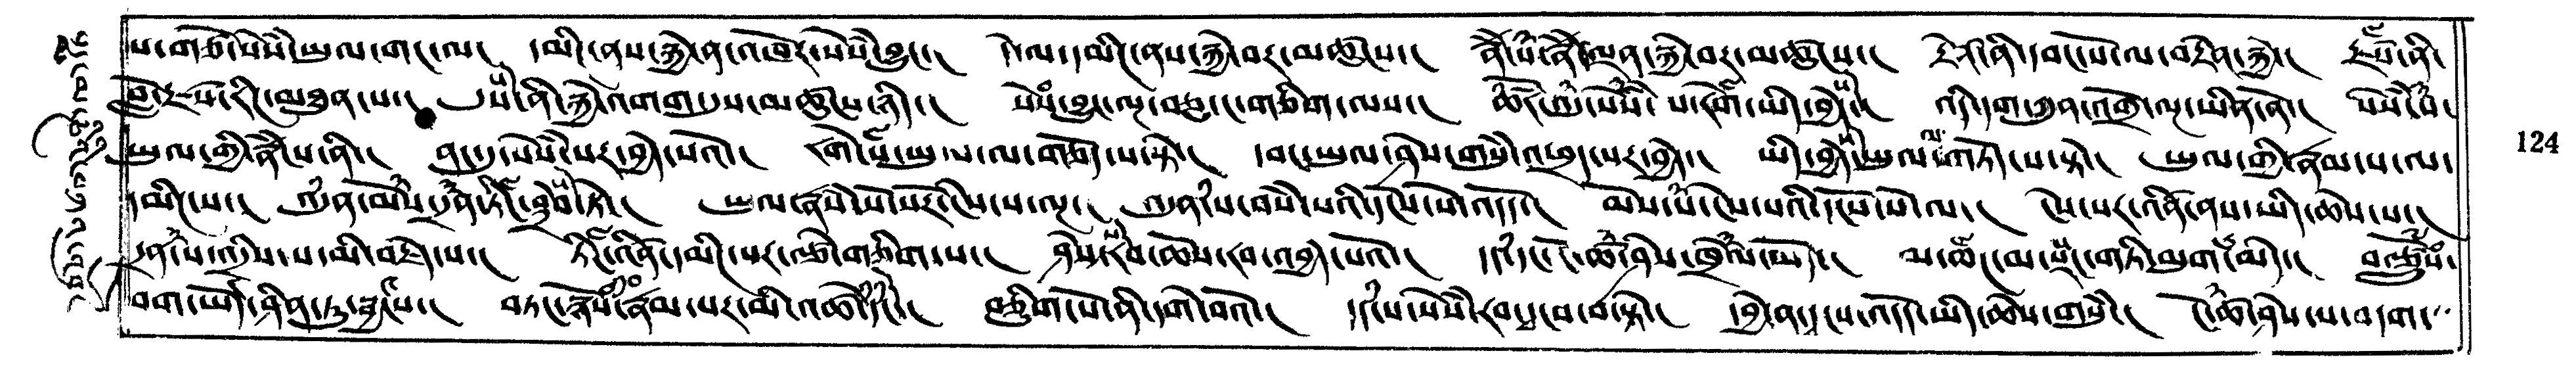པ་གཙོ་སེམས་ཡུལ་གང་ལ། །དམིགས་ནས་སྐྱེ་ན་འཁོར་སེམས་བྱུང་། །དེ་ལ་དམིགས་ནས་སྐྱེ་བར་མཚུངས། །རྣམ་པ་རྣམ་ལྡན་སྐྱེ་བར་མཚུངས། །རྟེན་ནི་དབང་པོ་ལ་བརྟེན་སྐྱེ། །རྫས་ནི་
བློ་རྫས་རིགས་མཐུན་པ། །དུས་ནི་སྐྱེ་འགག་དུས་མཚུངས་ཉིད། །སེམས་བྱུང་ལྔ་བཅུ་ང་གཅིག་ལས། །ཚོར་འདུ་སེམས་པ་རེག་ཡིད་བྱེད། །འདི་དག་ཀུན་འགྲོ་ལྔ་ཡིན་ནོ། །སེམས་པ་
ཡུལ་གྱི་རྣམ་པ་ནི། །ནང་དུ་སེམས་པར་བྱེད་པའོ། །རེག་པ་ཡུལ་ལ་སྤྱོད་པ་སྟེ། །དབང་ཡུལ་ཤེས་གསུམ་འཕྲད་པར་བྱེད། །ཡིད་བྱེད་ཡུལ་ལ་གཏོད་པ་སྟེ། །ཡུལ་གྱི་རྣམ་པ་ལ་
དམིགས་པ། །འདུན་མོས་དྲན་ཏིང་ཤེས་རབ་ཏེ། །ཡུལ་རྣམས་སོ་སོར་ངེས་པ་ལྔ། །འདུན་པ་བསམ་པའི་དངོས་པོ་འདོད། །མོས་པ་ངེས་པའི་དངོས་པོ་ལ། །ངེས་པར་འཛིན་ནས་ཡིད་ཆེས་པ། །
དྲན་པ་འདྲེས་པ་མི་བརྗེད་པ། །ཏིང་འཛིན་དམིགས་པར་རྩེ་གཅིག་པ། །ཤེས་རབ་ཆོས་རབ་འབྱེད་པའོ། །དད་དང་ངོ་ཚ་ཤེས་ཁྲེལ་ཡོད། །མ་ཆགས་མ་སྡང་གཏི་མུག་མེད། །བརྩོན་འགྲུས་
བག་ཡོད་ཤིན་ཏུ་སྦྱངས། །བཏང་སྙོམས་རྣམ་པར་མི་འཚེ་དང་། །བཅུ་གཅིག་པོ་ནི་དགེ་བའོ། །དད་པ་སེམས་རབ་དྭངས་བ་སྟེ། །དབྱེ་ན་དང་འདོད་ཡིད་ཆེས་གསུམ། །ངོ་ཚ་ཤེས་པ་བདག་